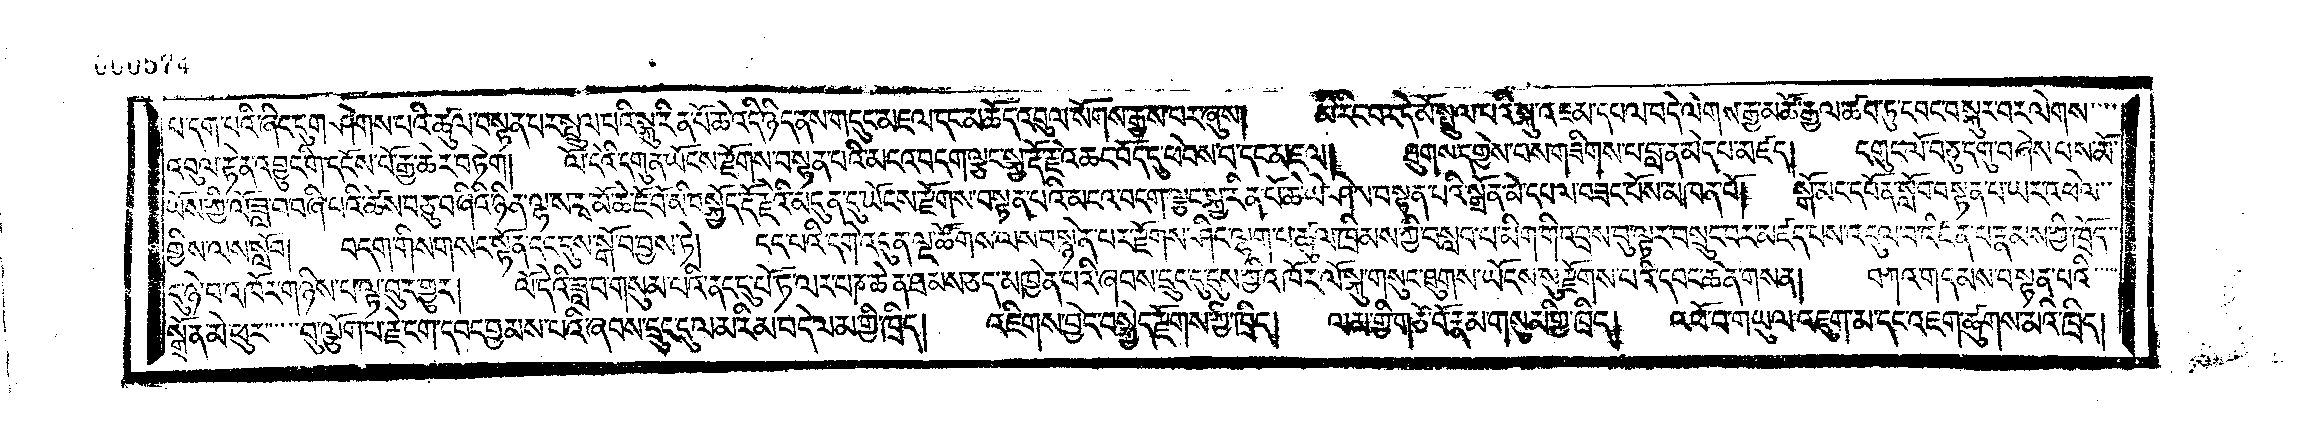པ་དག་པའི་ཞིང་དུ་གཤེགས་པའི་ཚུལ་བསྟན་པར་སྤྲུལ་པའི་སྐུ་རིན་པོ་ཆེ་འདི་ཉིད་ནས་གདུང་མཇལ་དང་མཆོད་འབུལ་སོགས་རྒྱས་པར་ཞུས། མི་རིང་བར་དེ་མོ་སྤྲུལ་པའི་སྐུ་འཇམ་དཔལ་བདེ་ལེགས་རྒྱ་མཚོ་རྒྱལ་ཚབ་ཏུ་དབང་བསྐུར་བར་ལེགས་
འབུལ་རྟེན་འབྱུང་གི་དངོས་པོ་རྒྱ་ཆེར་བཏེག། ལོ་དེའི་དགུན་ཡོངས་རྫོགས་བསྟན་པའི་མངའ་བདག་ལྕང་སྐྱ་རྡོ་རྗེ་འཆང་བོད་དུ་ཕེབས་པ་དང་མཇལ། ཐུགས་དགྱེས་པས་གཟིགས་པ་བླ་ན་མེད་པ་མཛད། དགུང་ལོ་བཅུ་དགུ་བཞེས་པས་མོ་
ཡོས་ཀྱི་ལོ་ཟླ་བ་བཞི་པའི་ཚེས་བཅུ་བཞིའི་ཉིན་ལྷ་ས་རྭ་མོ་ཆེ་ཇོ་བོ་མི་བསྐྱོད་རྡོ་རྗེའི་མདུན་དུ་ཡོངས་རྫོགས་བསྟན་པའི་མངའ་བདག་ལྕང་སྐྱ་རིན་པོ་ཆེ་ཡེ་ཤེས་བསྟན་པའི་སྒྲོན་མེ་དཔལ་བཟང་པོས་མཁན་པོ། སྒོ་མང་དཔོན་སློབ་བསྟན་པ་ཡར་འཕེལ་
གྱིས་ལས་སློབ། བདག་གིས་གསང་སྟོན་དང་དུས་སྒོ་བ་བྱས་ཏེ། དང་པའི་དགེ་འདུན་ལྔ་ཚོགས་ལས་བསྙེན་པར་རྫོགས་ཤིང་ལྷག་པ་ཚུལ་ཁྲིམས་ཀྱི་བསླབ་པ་མིག་གི་འབྲས་བུ་ལྟར་བསྲུང་བར་མཛད་པས་འདུལ་བ་འཛིན་པ་རྣམས་ཀྱི་ཁྲོད་
དུ་ཉེ་བ་འཁེར་གཉིས་པ་ལྟ་བུར་གྱུར། ལོ་དེའི་ཟླ་བ་གསུམ་པའི་ནང་དུ་པོ་ཏ་ལར་པཎ་ཆེན་ཐམས་ཅད་མཁྱེན་པའི་ཞབས་དྲུང་དུ་དུས་ཀྱི་འཁོར་ལོ་སྐུ་གསུང་ཐུགས་ཡོངས་སུ་རྫོགས་པའི་དབང་ཆེན་གསན། བཀའ་གདམས་བསྟན་པའི་
སྒྲོན་མེ་ཕུར་བུ་ལྕོག་པ་རྗེ་ངག་དབང་བྱམས་པའི་ཞབས་དྲུང་དུ་ལམ་རིམ་བདེ་ལམ་གྱི་ཁྲིད། འཇིགས་བྱེད་བསྐྱེད་རྫོགས་ཀྱི་ཁྲིད། ལམ་གྱི་གཙོ་པོ་རྣམ་གསུམ་གྱི་ཁྲིད། འཕོ་བ་གཡུལ་འཇུག་མ་དང་འཇག་ཚུགས་མའི་ཁྲིད།